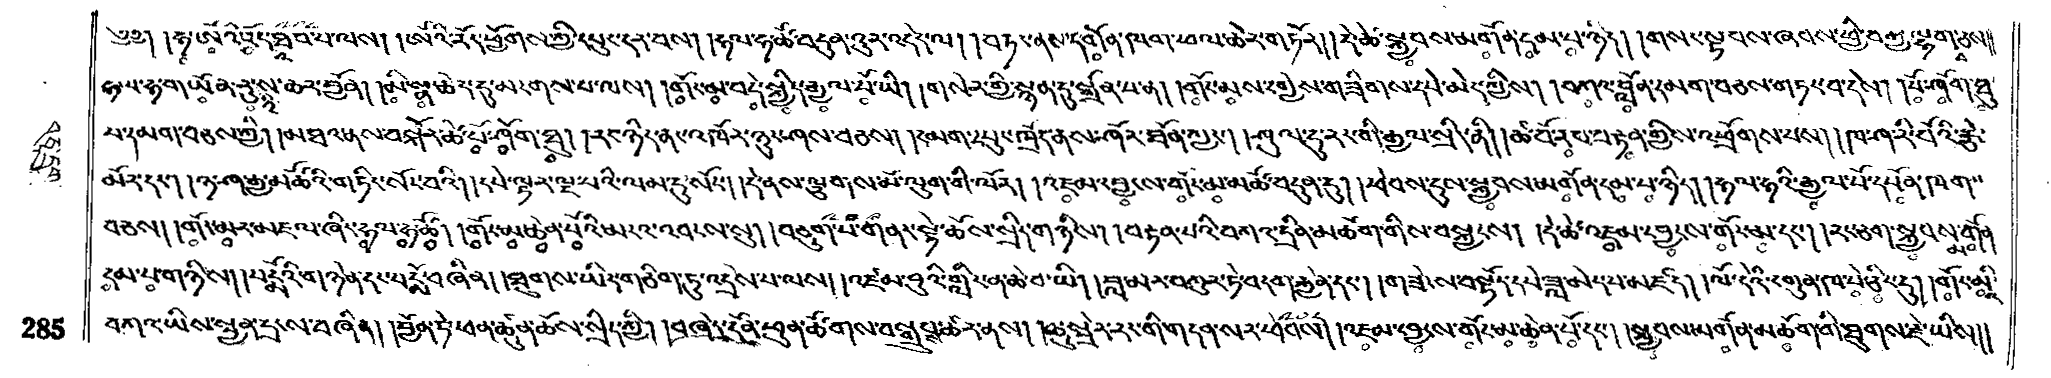༄༅། །ཧ་ཨོའི་རོད་ཐཱབ་པ་ལས། །ཨོའི་རོད་ཕྱོགས་ཀྱི་དཔུང་དར་བས། །ཧལ་ཧ་ཚོ་བདུན་འུར་འདེད་ལ། །བཏང་ནས་དགོན་ཁག་ཕལ་ཆེར་གཏོར། །དེ་ཚེ་སྐྱབས་མགོན་དམ་པ་ཉིད། །གསང་སྟབས་ཞབས་ཕྱི་བརྒྱ་ལྷག་བཅས།།
ཧ་པ་ཧ་གཡོན་རུའི་ས་ཆར་བྱོན། །མི་སྣ་ཆེད་དུ་མངགས་པ་ལས། །གོང་མ་བདེ་སྐྱིད་རྒྱལ་པོ་ཡི། །གསེར་གྱི་སྙན་དུ་སྒྲོན་པ་ན། །གོང་མས་དགྱེས་གཟིགས་དཔེ་མེད་ཀྱིས། །བཀའ་བློན་དམག་བཅས་གཏང་བ་དེས། །པོ་ཤོག་ཐུ་
པ་དམག་བཅས་ཀྱི། །མཐའ་ནས་བསྐོར་ཚི་པོ་ཤོག་ཐུ། །རང་ཉིད་ནང་འཁོར་ཉུང་ཤས་བཅས། །དམག་དཔུང་ཁྲོད་ནས་ཤོར་ཐོན་ཀྱང་། །ཤུལ་དུ་རང་གི་རྒྱལ་སྲིད་ནི། །ཚ་བོ་རབ་བརྟན་གྱིས་འཕྲོགས་པས། །ཁ་ཤ་རི་པོའི་རྩེ་
མོར་དང་། །ཉ་ཤ་རྒྱ་མཚོའི་གཏིང་སོར་བའི། །དཔེ་ལྟར་ལྔ་པའི་ལམ་དུ་སོང་། །དེ་ནས་ལྕགས་མོ་ལུག་གི་ལོར། །འཇམ་དབྱངས་གོང་མ་མཚོ་བདུན་དུ། །ཕེབས་དུས་སྐྱབས་མགོན་དམ་པ་ཉིད། །ཧལ་ཧའི་རྒྱལ་པོ་དཔོན་ཁག་
བཅས། །གོང་མར་མཇལ་ཞིང་ཧལ་ཧ་ཚོ། །གོང་མ་ཆེན་པོའི་མངའ་འབངས་སུ། །བཅུག་པ་གནང་སྟེ་ཆོས་སྲིད་གཉིས། །བརྟན་པའི་བཀའ་དྲིན་མཆོག་གིས་བསྐྱངས། །དེ་ཚེ་འཇམ་དབྱངས་གོང་མ་དང་། །རང་ཅག་སྐྱབས་མགོན་
དམ་པ་གཉིས། །པདམོའི་གཉེན་དང་པདམོ་བཞིན། །ཐུགས་ཡིད་གཅིག་ཏུ་འདྲེས་པ་ལས། །འཛམ་བུའི་གླིང་ན་ཆེ་བ་ཡི། །བླ་མར་བཀུར་ཏེ་བདག་རྐྱེན་དང་། །གཟེངས་བསྟོད་དཔེ་ཟླ་མེད་པ་མཛད། །ལོ་དེའི་དགུན་ཁ་པེ་ཅིང་དུ། །གོང་མའི་
བཀའ་ཡིས་སྤྱན་དྲངས་བཞིན། །བྱོན་ཏེ་ཕན་ཚུན་ཆོས་སྲིད་ཀྱི། །བཞེད་དོན་ཕུན་ཚོགས་བསྒྲུབས་ཚར་ནས། །ཆུ་སྤྲེར་རང་གི་གདན་སར་ཕེབས། །འཇམ་དབྱངས་གོང་མ་ཆེན་པོ་དང་། །སྐྱབས་མགོན་མཆོག་གི་ཐུགས་རྗེ་ཡིས།།